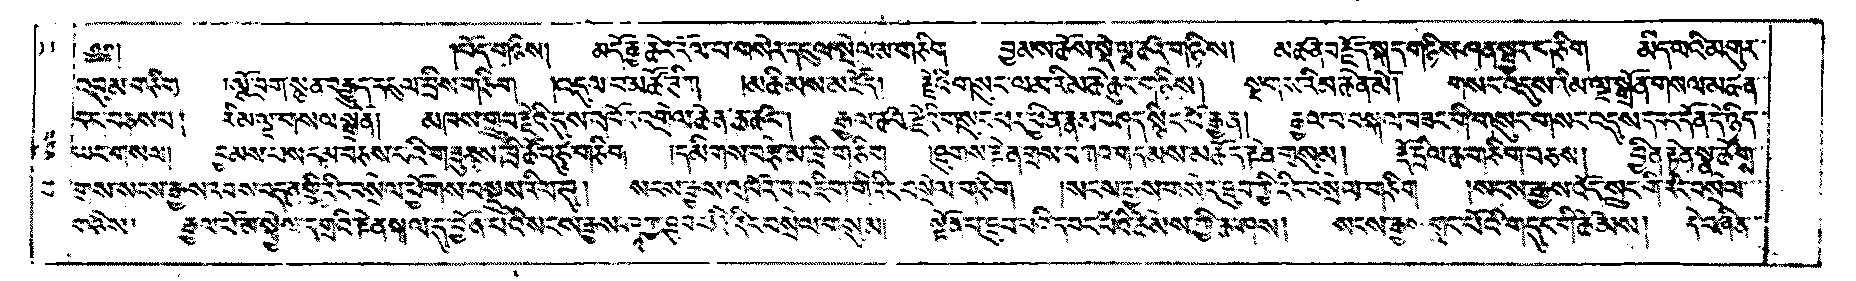༄༅། །པོད་གཉིས། མདོ་རྒྱ་ཆེར་རོལ་བ་གསེར་དངུལ་སྤེལ་མ་གཅིག །བྱམས་ཆོས་སྡེ་ལྔ་ཚར་གཉིས། མཚན་བརྗོད་སྐད་གཉིས་ཤན་སྦྱར་གཅིག །མིད་ལའི་མགུར་
འབུམ་གཅིག །ལྷོ་བྲག་སྙན་བརྒྱུད་དངུལ་བྲིས་གཅིག །འདུལ་བ་མཚོ་ཊིཀ། མཆིམས་མཛོད། རྗེའི་གསུང་ལམ་རིམ་ཆེ་ཆུང་གཉིས། སྔགས་རིམ་ཆེན་མོ། གསང་འདུས་རིམ་ལྔ་སྒྲོན་གསལ་མཚན་
དང་བཅས་པ། རིམ་ལྔ་གསལ་སྒྲོན། མཁས་གྲུབ་རྗེའི་དུས་འཁོར་འགྲེལ་ཆེན་ཆ་ཚང་། རྒྱལ་ཚབ་རྗེའི་གསུང་ཕར་ཕྱིན་རྣམ་བཤད་སྙིང་པོ་རྒྱན། རྒྱལ་བ་བསྐལ་བཟང་གི་གསུང་གསང་འདུས་དབང་དོན་དེ་ཉིད་
ཡང་གསལ། བྱམས་པས་དམ་བཅས་པའི་གཟུངས་ཁྲི་ཚོ་བཅུ་གཅིག །དམིགས་བརྩེ་མ་ཁྲི་གཅིག །ཐུགས་རྟེན་གྲས་བཀའ་གདམས་མཆོད་རྟེན་གསུམ། རྡོ་དྲིལ་ཆ་གཅིག་བཅས། བྱིན་རྟེན་སྣ་ཚོགས་
གྲས་སངས་རྒྱས་རབས་བདུན་གྱི་རིང་བསྲེལ་ཕྱོགས་བསྡུས་རིལ་བུ། སངས་རྒྱས་འཁོར་བ་འཇིག་གི་རིང་བསྲེལ་གཅིག །སངས་རྒྱས་གསེར་ཐུབ་ཀྱི་རིང་བསྲེལ་གཅིག །སངས་རྒྱས་འོད་སྲུང་གི་རིང་བསྲེལ་
གཉིས། རྒྱལ་པོ་མ་སྐྱེས་དགྲའི་རྟེན་སྐལ་དུ་བྱོན་པའི་སངས་རྒྱས་ཤཱཀྱ་ཐུབ་པའི་རིང་བསྲེལ་གསུམ། སྟོན་པ་ཐུབ་པའི་དབང་པོའི་ཚེམས་ཀྱི་ཆ་ཤས། སངས་རྒྱས་གླང་པོའི་གདུང་གི་ཚེམས། དེ་བཞིན་